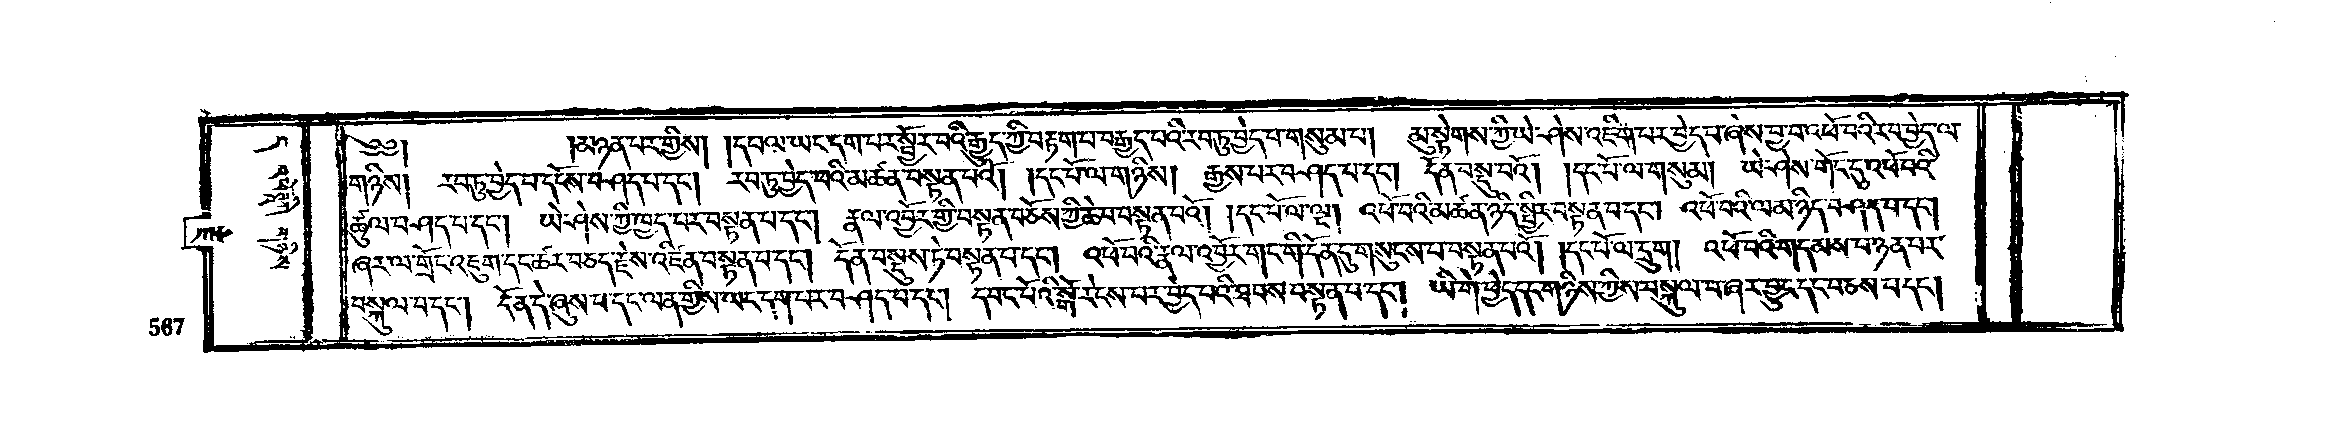༄༅། །མཉན་པར་གྱིས། །དཔལ་ཡང་དག་པར་སྦྱོར་བའི་རྒྱུད་ཀྱི་བརྟག་པ་བརྒྱད་པའི་རབ་ཏུ་བྱེད་པ་གསུམ་པ། མུ་སྟེགས་ཀྱི་ཡེ་ཤེས་འཇིག་པར་བྱེད་པ་ཞེས་བྱ་བ་འཕོ་བའི་རབ་བྱེད་ལ་
གཉིས། རབ་ཏུ་བྱེད་པ་དངོས་བཤད་པ་དང་། རབ་ཏུ་བྱེད་པའི་མཚན་བསྟན་པའོ། །དང་པོ་ལ་གཉིས། རྒྱས་པར་བཤད་པ་དང་། དོན་བསྡུ་བའོ། །དང་པོ་ལ་གསུམ། ཡེ་ཤེས་གོང་དུ་འཕོ་བའི་
ཚུལ་བཤད་པ་དང་། ཡེ་ཤེས་ཀྱི་ཁྱད་པར་བསྟན་པ་དང་། རྣལ་འབྱོར་གྱི་བསྟན་བཅོས་ཀྱི་ཆེ་བ་བསྟན་པའོ། །དང་པོ་ལ་ལྔ། འཕོ་བའི་མཚན་ཉིད་སྤྱིར་བསྟན་པ་དང་། འཕོ་བའི་ལམ་ཉིད་བཤད་པ་དང་།
ཞར་ལ་གྲོང་འཇུག་དང་ཚར་བཅད་རྗེས་འཛིན་བསྟན་པ་དང་། དོན་བསྡུས་ཏེ་བསྟན་པ་དང་། འཕོ་བའི་རྣལ་འབྱོར་གང་གི་དོན་དུ་གསུངས་པ་བསྟན་པའོ། །དང་པོ་ལ་དྲུག །འཕོ་བའི་གདམས་པ་ཉན་པར་
བསྐུལ་བ་དང་། དོན་དེ་ཞུས་པ་དང་ལན་གྱིས་ཡང་དག་པར་བཤད་པ་དང་། དབང་པོའི་སྒོ་རེངས་པར་བྱེད་པའི་ཐབས་བསྟན་པ་དང་། ཡི་གེ་ཕྱེད་དང་གཉིས་ཀྱིས་བསྐུལ་བ་ཞར་བྱུང་དང་བཅས་པ་དང་།